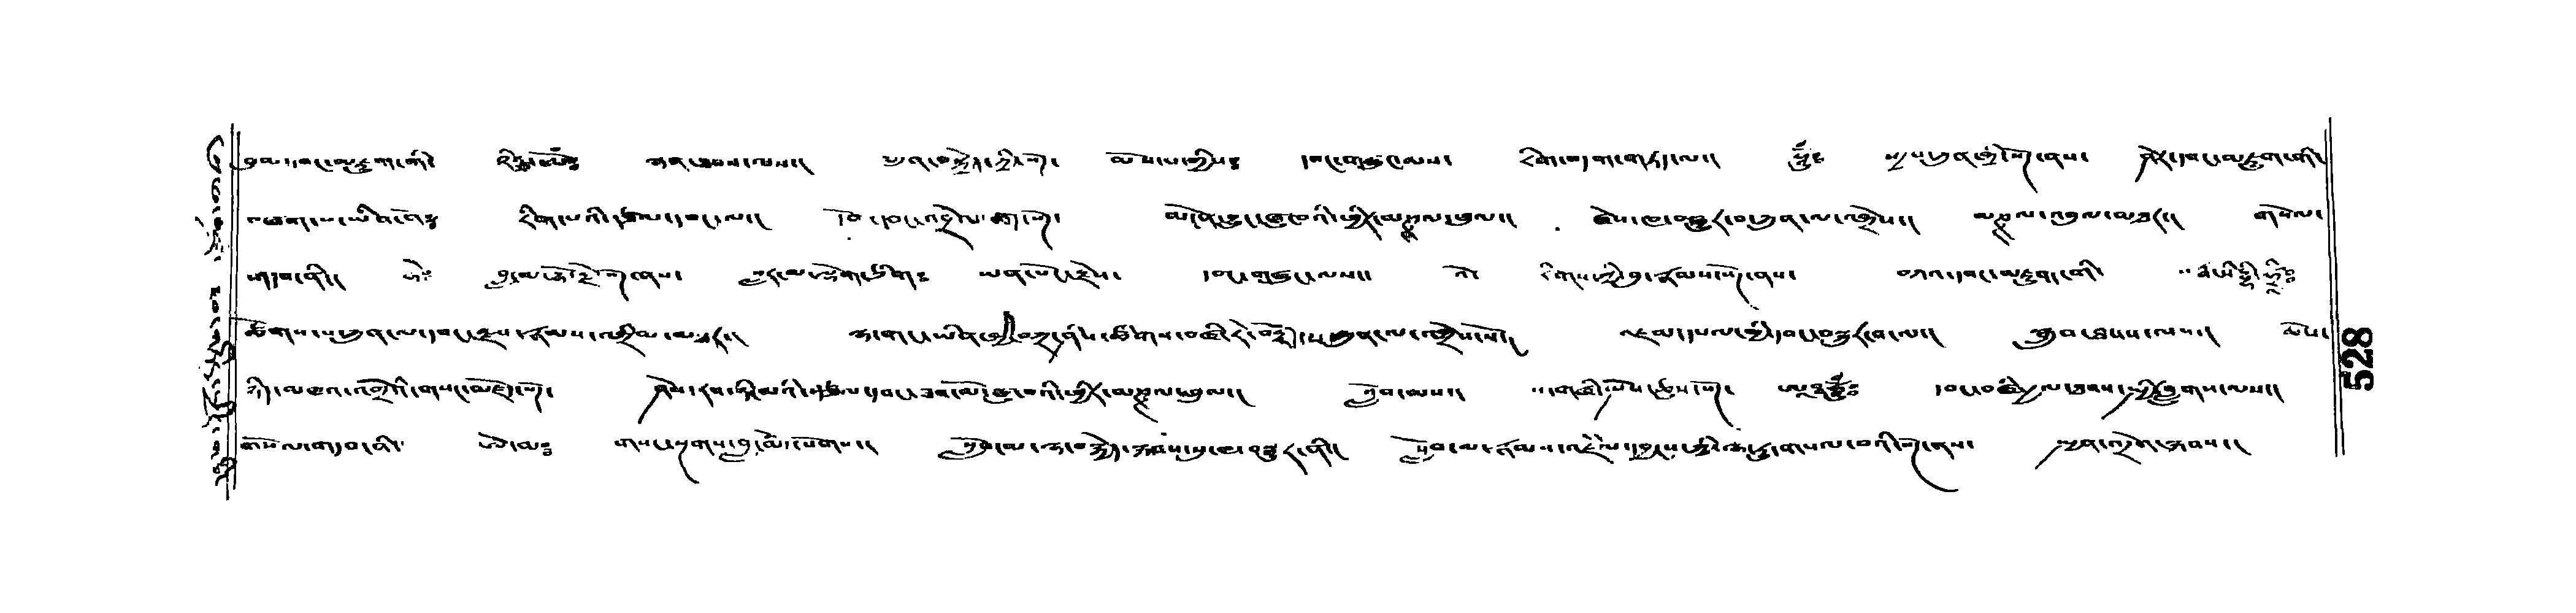མཇུག་གི རིཉྩ་ཨོཾ༔ ལྷན་ཐབས་ལས། མདུན་བསྐྱེད་ཀྱི་སོགས། མོས་པ་གྱིས༔ དབང་གཞུང་ལས། རིགས་བདག་གཏད་ལ། ཧཱུྃ༔ སངས་རྒྱས་ཀུན་གྱི་སོགས་ནས། ཤེར་དབང་མཇུག་གི 
བཞག་པ་ཡིན་ནོ༔ རིག་པའི་རྩལ་དབང་ལ། དོན་དབང་འབྲེལ་ཚད་སོགས། མངོན་བྱུང་ཞུ་བའི་ཕྱིར་མཎྜལ་ཕུལ། ཞེས་ཁ་བསྒྱུར་བ་ཀུན་ལ་འགྲེས། མཎྜལ་འབུལ་མཐར། གསོལ་
གདབ་ནི། ཧོཿ བླ་མ་རྡོ་རྗེ་སོགས་ནས། སླར་མ་ལྡོག་ཅིག༔ ཡན་སོང་རྗེས། དབང་གཞུང་ལས། འོ། རིགས་ཀྱི་བུ་རྣམས་སོགས་ནས། བཀའ་དབང་མཇུག་གི སརྦ་སིདྡྷི་ཧྲཱིཿ 
ཚོགས་པ་ཀུན་ལ་དབང་རྫས་རྣམས་འགྲིམ་མཐར། ལྷ་གང་ཡིན་གྱི་བཀྲ་ཤིས་ཚིག་བཞི་རེ་བརྗོད་དེ་ཀུན་ལ་འགྲེས་སོ། འཇམ་དཔལ་གྱི་དབང་བསྐུར་བ་ལ། སྒྲུབ་ཐབས་ལས། ཆོས་
ཉིད་མཁའ་འགྲོའི་གསང་མཛོད་སོགས། ཤེས་རབ་ཉི་མའི་རྩལ་དབང་ཟབ་མོ་ཞུ་བའི་ཕྱིར་མཎྜལ་ཕུལ། སློབ་མས། ས་གཞི་སྤོས་ཆུས་སོགས། ཨཱཿཧཱུྃ༔ དབང་བཞི་རྒྱལ་ཐབས་སྤྱི་བླུགས་ལས། 
གསོལ་གདབ་ནི། ཨེ་མ༔ གསང་སྔགས་བླ་མེད་སོགས། སློབ་མ་ལྷ་བསྐྱེད་སྐབས་སུ་ཁ་བསྒྱུར་ནི། སློབ་མ་རྣམས་འཇམ་དཔལ་དབྱངས་ཀྱི་ལྷ་རུ་གསལ་བའི་སོགས་ནས། སྤྱན་འདྲེན་སྐབས།